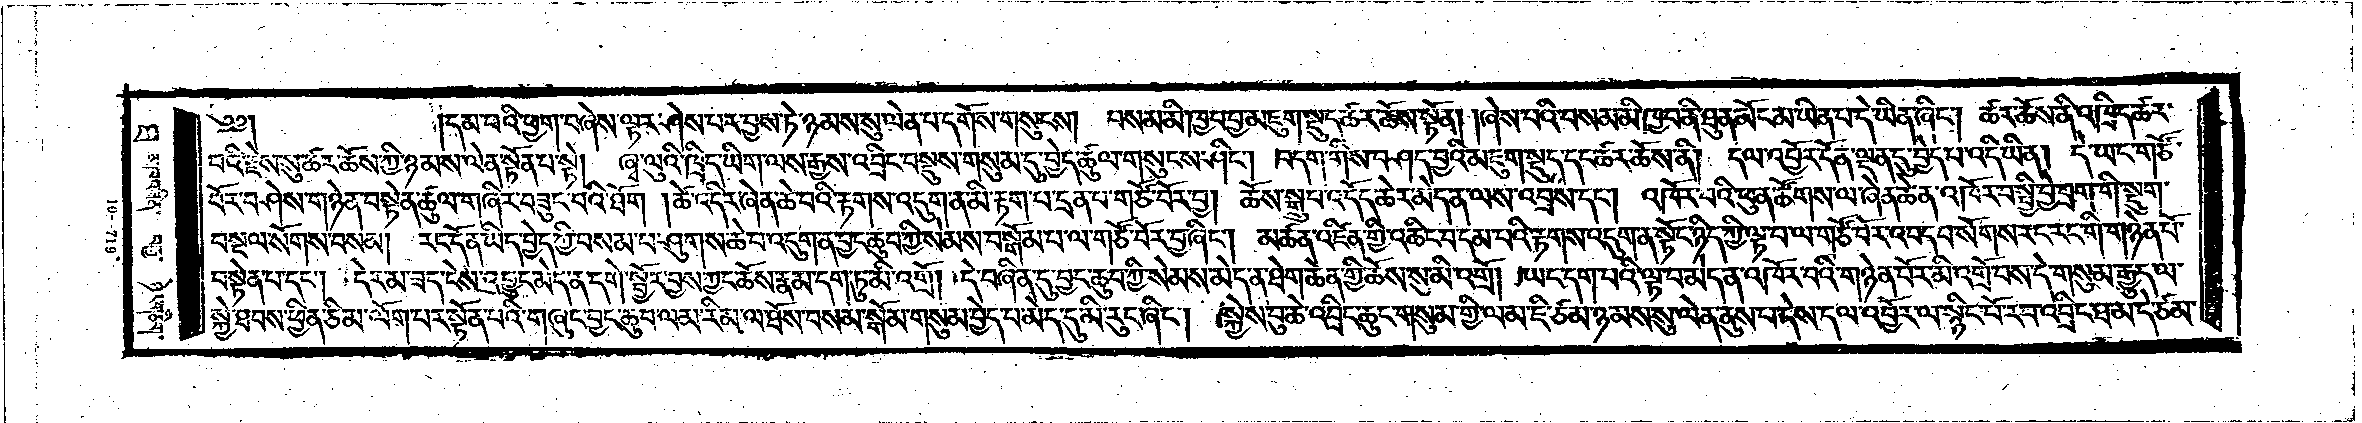༄༅། །དམ་པའི་ཕྱག་བཞེས་ལྟར་ཤེས་པར་བྱས་ཏེ་ཉམས་སུ་ལེན་པ་དགོས་གསུངས། བསམ་མི་ཁྱབ་བྱ་མཇུག་སྡུད་ཚར་ཆོས་སྟོན། །ཞེས་པའི་བསམ་མི་ཁྱབ་ནི་ཐུན་མོང་མ་ཡིན་པ་དེ་ཡིན་ཞིང་། ཚར་ཆོས་ནི་འཁྲིད་ཚར་
པའི་རྗེས་སུ་ཚར་ཆོས་ཀྱི་ཉམས་ལེན་སྟོན་པ་སྟེ། ཞྭ་ལུའི་ཁྲིད་ཡིག་ལས་རྒྱས་འབྲིང་བསྡུས་གསུམ་དུ་བྱེད་ཚུལ་གསུངས་ཤིང་། བདག་གིས་བཤད་བྱའི་མཇུག་སྡུད་དང་ཚར་ཆོས་ནི། དལ་འབྱོར་དོན་ལྡན་དུ་བྱེད་པ་འདི་ཡིན། དེ་ཡང་གཙོ་
བོར་བཤེས་གཉེན་བསྟེན་ཚུལ་གཞིར་བཟུང་བའི་ཐོག །ཚེ་འདིར་ཞེན་ཆེ་བའི་རྟགས་འདུག་ན་མི་རྟག་པ་དྲན་པ་གཙོ་བོར་བྱ། ཆོས་སྒྲུབ་འདོད་ཆེར་མེད་ན་ལས་འབྲས་དང་། འཁོར་བའི་ཕུན་ཚོགས་ལ་ཞེན་ཆེན་འཁོར་བ་སྤྱི་བྱེ་བྲག་གི་སྡུག་
བསྔལ་སོགས་བསམ། རང་དོན་ཡིད་བྱེད་ཀྱི་བསམ་པ་ཤུགས་ཆེ་བ་འདུག་ན་བྱང་ཆུབ་ཀྱི་སེམས་བསྒོམ་པ་ལ་གཙོ་བོར་བྱ་ཞིང་། མཚན་འཛིན་གྱི་འཆིང་བ་དམ་པའི་རྟགས་འདུག་ན་སྟོང་ཉིད་ཀྱི་ལྟ་བ་ལ་གཙོ་བོར་འབད་པ་སོགས་རང་རང་གི་གཉེན་པོ་
བསྟེན་པ་དང་། དེར་མ་ཟད་ངེས་འབྱུང་མེད་ན་དགེ་སྦྱོར་བྱས་ཀྱང་ཆོས་རྣམ་དག་ཏུ་མི་འགྲོ། དེ་བཞིན་དུ་བྱང་ཆུབ་ཀྱི་སེམས་མེད་ན་ཐེག་ཆེན་གྱི་ཆོས་སུ་མི་འགྲོ། ཡང་དག་པའི་ལྟ་བ་མེད་ན་འཁོར་བའི་གཉེན་པོར་མི་འགྲོ་བས་དེ་གསུམ་རྒྱུད་ལ་
སྐྱེ་ཐབས་ཕྱིན་ཅི་མ་ལོག་པར་སྟོན་པའི་གཞུང་བྱང་ཆུབ་ལམ་རིམ་ལ་ཐོས་བསམ་སྒོམ་གསུམ་བྱེད་པ་མེད་དུ་མི་རུང་ཞིང་། སྐྱེས་བུ་ཆེ་འབྲིང་ཆུང་གསུམ་གྱི་ལམ་ཇི་ཙམ་ཉམས་སུ་ལེན་ནུས་པ་དེས་དལ་འབྱོར་ལ་སྙིང་པོ་རབ་འབྲིང་ཐ་མ་དེ་ཙམ་